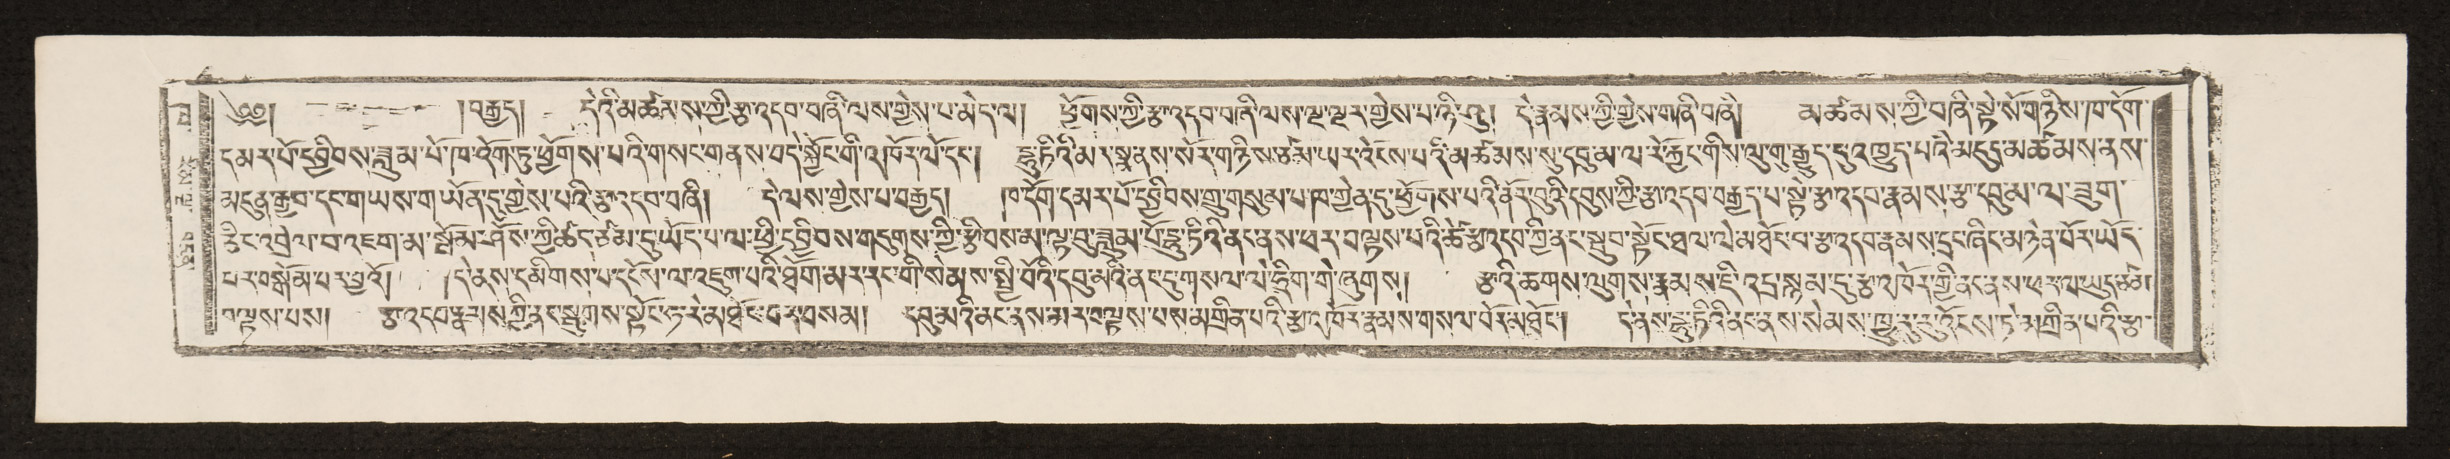༄༅། །བརྒྱད། དེའི་མཚམས་ཀྱི་རྩ་འདབ་བཞི་ལས་གྱེས་པ་མེད་ལ། ཕྱོགས་ཀྱི་རྩ་འདབ་བཞི་ལས་ལྔ་ལྔར་གྱིས་བ་ཉི་ཤུ། དེ་རྣམས་ཀྱི་གྱིས་གཞི་བཞི་མཚམས་ཀྱི་བཞི་སྟེ་སོ་གཉིས་ཁ་དོག་
དམར་པོ་དབྱིབས་ཟླུམ་པོ་ཁ་འོག་ཏུ་ཕྱོགས་བའི་གསང་གནས་བདེ་སྐྱོང་གི་འཁོར་ལོ་དང་། དྷུ་ཏིའི་མར་སྣན་ས་སོར་གཉིས་ཙམ་ཡར་འོངས་པའི་མཚམས་སུ་དབུ་མ་ལ་རོ་རྐྱང་གིས་ལུ་གུ་རྒྱུད་དུ་འཁྱུད་པའི་མདུད་མཚམས་ནས་
མདུན་རྒྱབ་དང་གཡས་གཡོན་དུ་གྱེས་པའི་རྩ་འདབ་བཞི། དེ་ལས་གྱེས་པ་བརྒྱད། ཁ་དོག་དམར་པོ་དབྱིབས་གྲུ་གསུམ་པ་ཁ་གྱེན་དུ་ཕྱོགས་པའི་ནོར་བུའི་དབུས་ཀྱི་རྩ་འདབ་བརྒྱད་པ་སྟེ་རྩ་འདབ་རྣམས་རྩ་དབུ་མ་ལ་ཐུག་
ཅིང་འབྲེལ་བ་འཇག་མ་སྦོམ་ཤོས་ཀྱི་ཚད་ཙམ་དུ་ཡོད་པ་ལ་ཕྱི་དབྱིབས་གདུགས་ཀྱི་རྩིབས་མ་ལྟ་བུ་ཟླུམ་པོ་དྷུ་ཏིའི་ནང་ནས་ཕར་བལྟས་པའི་ཚེ་རྩ་འདབ་ཀྱི་ནང་སྦུབ་སྟོང་ཐལ་ལེ་མཐོང་བ་རྩ་འདབ་རྣམས་དྲང་ཞིང་མཉེན་པོར་ཡོད་
པར་བསྒོམ་པར་བྱའོ། །དེ་ནས་དམིགས་པ་དངོས་ལ་འཇུག་པའི་ཐོག་མར་རང་གི་སེམས་སྤྱི་བོའི་དབུ་མའི་ནང་དུ་གསལ་ལེ་ཧྲིག་གེ་ཞུགས། རྩའི་ཆགས་ལུགས་རྣམས་ཇི་འདྲ་སྙམ་དུ་རྩ་འཁོར་གྱི་ནང་ནས་ཕར་ལ་ཡུད་ཙམ་
བལྟས་པས། རྩ་འདབ་རྣམས་ཀྱི་ནང་སྦུགས་སྟོང་ཧ་རེ་མཐོང་བར་བསམ། དབུ་མའི་ནང་ནས་མར་བལྟས་པས་མགྲིན་པའི་རྩ་འཁོར་རྣམས་གསལ་པོར་མཐོང་། དེ་ནས་དྷུ་ཏིའི་ནང་ནས་སེམས་ཁྱུ་རུ་རུ་འོངས་ཏེ་མགྲིན་པའི་རྩ་